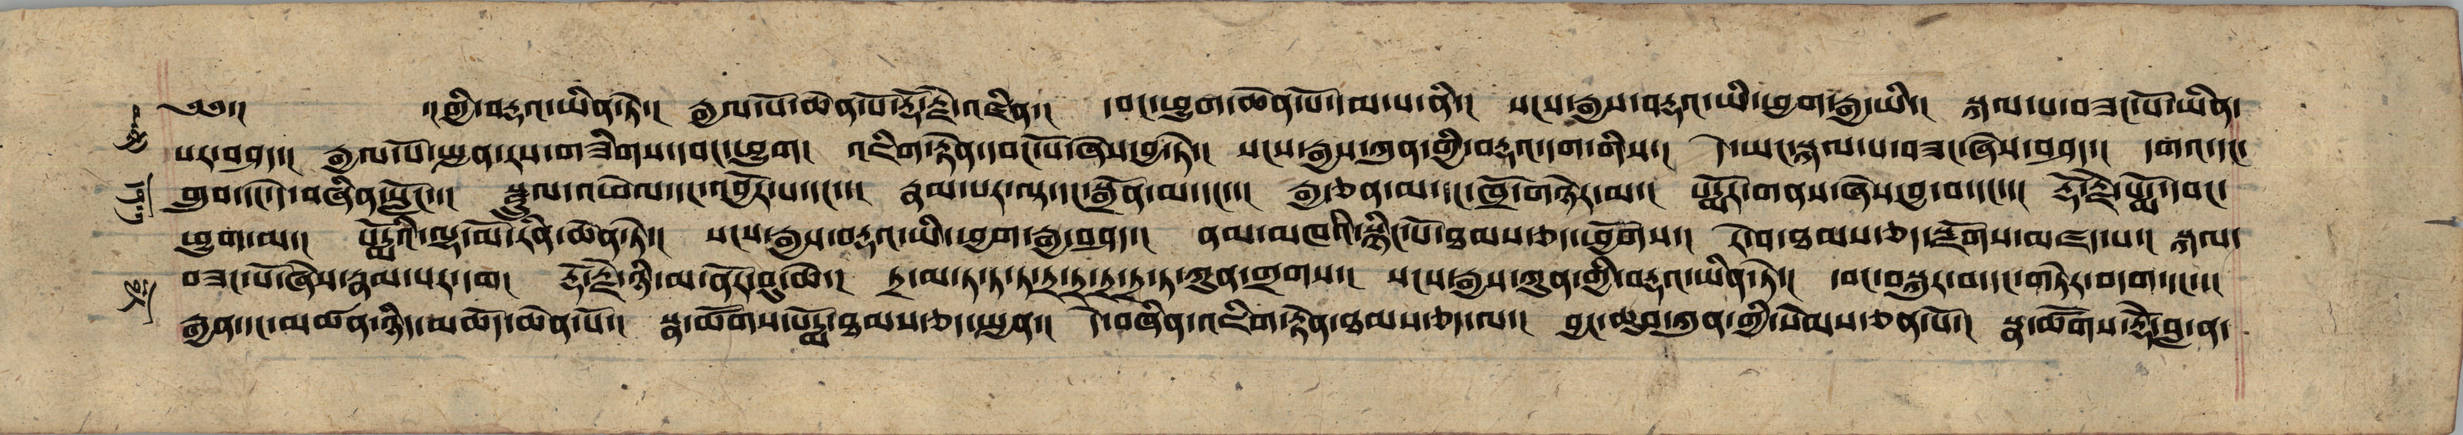༄༅་། ་།གྱི་བརྡའ་ཡིན་ཏེ་། རྒྱལ་པོ་ཆེན་པོ་རྡོ་རྗེ་འཛིན་། དབང་ཕྱུག་ཆེན་པོ་དམ་པ་ནི་། སངས་རྒྱས་བརྡའ་ཡི་ཕྱག་རྒྱ་ཡི་། སྐལ་པ་བཟང་པོ་ཡིན་
པར་བཤད་། རྒྱལ་པོ་སྤྱན་རས་གཟིགས་དབང་ཕྱུག་། འཇིག་་རྟེན་དབང་པོ་ཞེས་བྱ་ཏེ་། སངས་རྒྱས་ཀུན་གྱི་བརྡའ་དག་གིས་། དེ་ཡང་སྐལ་པ་བཟང་ཞེས་བཤད་། དགའ་དང་
གྲུབ་དང་དེ་བཞིན་སློང་་། སྫྲུལ་འཕེལ་དང་འབྱོར་པ་དང་་། རྣམ་པར་ལྟ་དང་སྒྲོན་མ་དང་་། རྒྱ་ཅན་མ་དང་ཁྲོ་གཉེར་མ་། པདྨོར་གནས་ཞེས་བྱ་བ་དང་་། རྡོ་རྗེ་པདྨོ་དབང་
ཕྱུག་ལ་། པདྨོའི་ལྷ་མོ་རིན་ཆེན་ཏེ་། སངས་རྒྱས་བརྡའ་ཡི་ཕྱག་རྒྱ་བཤད་། ནམ་མཁའི་སྙིང་པོ་ཐམས་ཅད་ཕྱོགས་། རེ་བ་ཐམས་ཅད་སྫོགས་མཛད་པ་། སྐལ་
བཟང་པོ་ཞེས་རྣམ་པར་དག། རྡོ་རྗེ་ཉི་མ་ནོར་བུ་ཆེ་། ཏྲ་མ་ཏ་ཏ་ཏྲ་ཏྲ་ཏྲ་ཏྲ་ཏ་ཀུན་གྲགས་། སངས་རྒྱས་ཀུན་གྱི་བརྡའ་ཡིན་ཏེ་། དབང་བསྐྱུར་བ་དང་གཏེར་བདག་དང་་།
རྒྱན་དང་མཚན་ཉིད་མཆོད་ཆེན་པོ་། སྣ་ཚོགས་པདྨོ་ཐམས་ཅད་སྤྱན་། དེ་བཞིན་འཇིག་རྟེན་ཐམས་ཅད་ལ་། བྱང་ཆུབ་ཀུན་གྱི་སེམས་ཅན་པོ་། སྣ་ཚོགས་རྡོེ་བླ་ན་